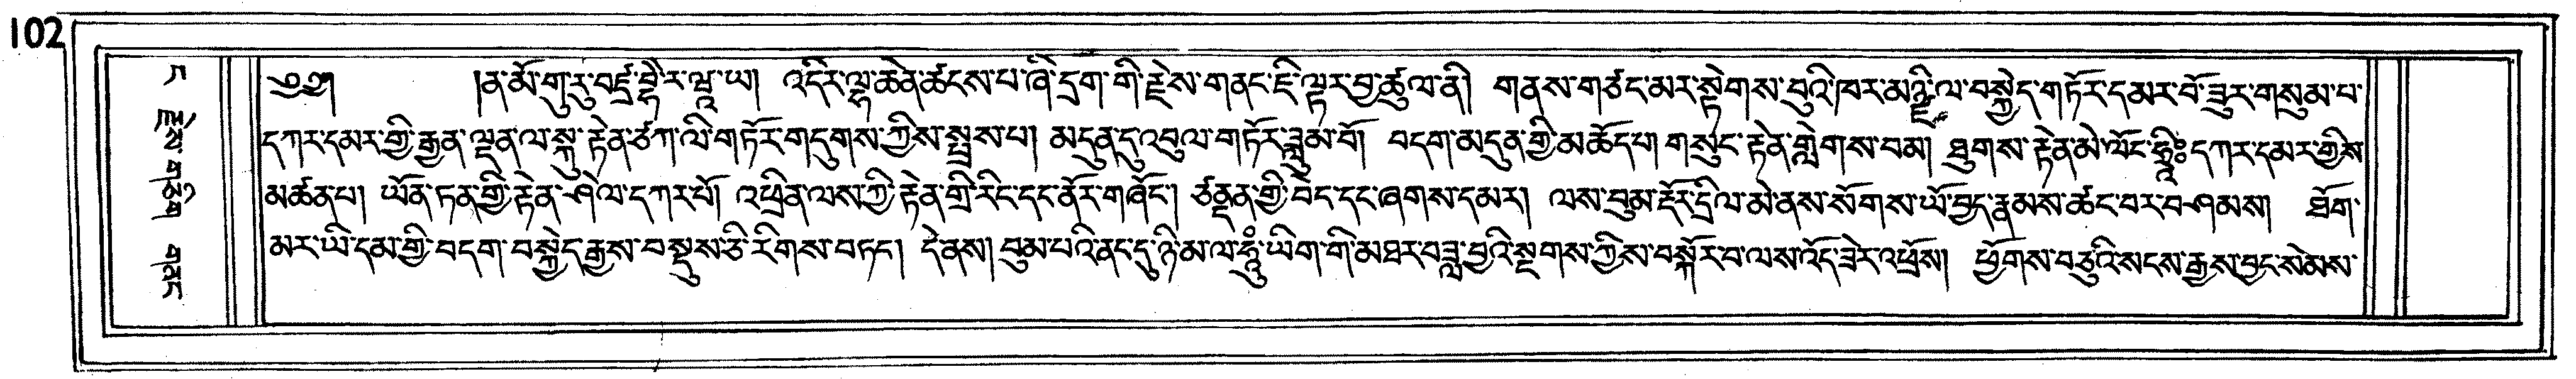༄༅། །ན་མོ་གུ་རུ་བྫྲ་བྷཻ་ར་ཝཱ་ཡ། འདིར་ལྷ་ཆེན་ཚངས་པ་ཞི་དྲག་གི་རྗེས་གནང་ཇི་ལྟར་བྱ་ཚུལ་ནི། གནས་གཙང་མར་སྟེགས་བུའི་ཁར་མཉྫི་ལ་བསྐྱེད་གཏོར་དམར་པོ་ཟུར་གསུམ་པ་
དཀར་དམར་གྱི་རྒྱན་ལྡན་ལ་སྐུ་རྟེན་ཙཀ་ལི་གཏོར་གདུགས་ཀྱིས་སྤྲས་པ། མདུན་དུ་འབུལ་གཏོར་ཟླུམ་པོ། བདག་མདུན་གྱི་མཆོད་པ། གསུང་རྟེན་གླེགས་བམ། ཐུགས་རྟེན་མེ་ལོང་ཧྲཱིཿ དཀར་དམར་གྱིས་
མཚན་པ། ཡོན་ཏན་གྱི་རྟེན་ཤེལ་དཀར་པོ། འཕྲིན་ལས་ཀྱི་རྟེན་གྲི་རིང་དང་ནོར་གཞོང་། ཙནྜན་གྱི་བདེ་དང་ཞགས་དམར། ལས་བུམ་རྡོར་དྲིལ་མེ་ནས་སོགས་ཡོ་བྱད་རྣམས་ཚང་བར་བཤམས། ཐོག་
མར་ཡི་དམ་གྱི་བདག་བསྐྱེད་རྒྱས་བསྡུས་ཅི་རིགས་བཏང་། དེ་ནས། བུམ་པའི་ནང་དུ་ཉི་མ་ལ་ཧཱུཾ་ཡིག་གི་མཐར་བཟླ་བྱའི་སྔགས་ཀྱིས་བསྐོར་བ་ལས་འོད་ཟེར་འཕྲོས། ཕྱོགས་བཅུའི་སངས་རྒྱས་བྱང་སེམས་